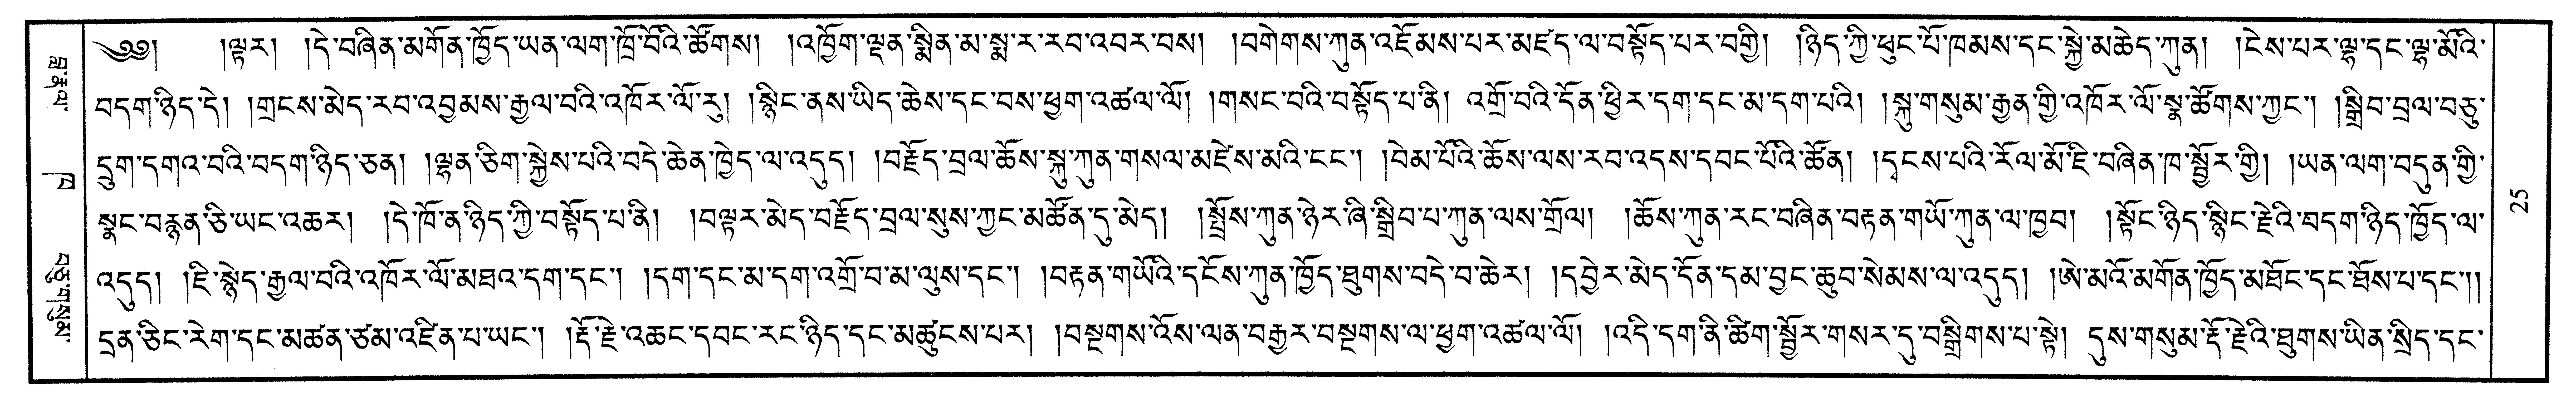༄༅། །ལྟར། །དེ་བཞིན་མགོན་ཁྱོད་ཡན་ལག་ཁྲོ་བོའི་ཚོགས། །འཁྱོག་ལྡན་སྨིན་མ་སྨ་ར་རབ་འབར་བས། །བགེགས་ཀུན་འཇོམས་པར་མཛད་ལ་བསྟོད་པར་བགྱི། །ཉིད་ཀྱི་ཕུང་པོ་ཁམས་དང་སྐྱེ་མཆེད་ཀུན། །ངེས་པར་ལྷ་དང་ལྷ་མོའི་
བདག་ཉིད་དེ། །གྲངས་མེད་རབ་འབྱམས་རྒྱལ་བའི་འཁོར་ལོ་རུ། །སྙིང་ནས་ཡིད་ཆེས་དང་བས་ཕྱག་འཚལ་ལོ། །གསང་བའི་བསྟོད་པ་ནི། །འགྲོ་བའི་དོན་ཕྱིར་དག་དང་མ་དག་པའི། །སྐུ་གསུམ་རྒྱན་གྱི་འཁོར་ལོ་སྣ་ཚོགས་ཀྱང་། །སྒྲིབ་བྲལ་བཅུ་
དྲུག་དགའ་བའི་བདག་ཉིད་ཅན། །ལྷན་ཅིག་སྐྱེས་པའི་བདེ་ཆེན་ཁྱེད་ལ་འདུད། །བརྗོད་བྲལ་ཆོས་སྐུ་ཀུན་གསལ་མཛེས་མའི་ངང་། །བེམ་པོའི་ཆོས་ལས་རབ་འདས་དབང་པོའི་ཚོན། །དྭངས་པའི་རོལ་མོ་ཇི་བཞིན་ཁ་སྦྱོར་གྱི། །ཡན་ལག་བདུན་གྱི་
སྣང་བརྙན་ཅི་ཡང་འཆར། །དེ་ཁོ་ན་ཉིད་ཀྱི་བསྟོད་པ་ནི། །བལྟར་མེད་བརྗོད་བྲལ་སུས་ཀྱང་མཚོན་དུ་མེད། །སྤྲོས་ཀུན་ཉེར་ཞི་སྒྲིབ་པ་ཀུན་ལས་གྲོལ། །ཆོས་ཀུན་རང་བཞིན་བརྟན་གཡོ་ཀུན་ལ་ཁྱབ། །སྟོང་ཉིད་སྙིང་རྗེའི་བདག་ཉིད་ཁྱོད་ལ་
འདུད། །ཇི་སྙེད་རྒྱལ་བའི་འཁོར་ལོ་མཐའ་དག་དང་། །དག་དང་མ་དག་འགྲོ་བ་མ་ལུས་དང་། །བརྟན་གཡོའི་དངོས་ཀུན་ཁྱོད་ཐུགས་བདེ་བ་ཆེར། །དབྱེར་མེད་དོན་དམ་བྱང་ཆུབ་སེམས་ལ་འདུད། །ཨེ་མའོ་མགོན་ཁྱོད་མཐོང་དང་ཐོས་པ་དང།།
དྲན་ཅིང་རེག་དང་མཚན་ཙམ་འཛིན་པ་ཡང་། །རྡོ་རྗེ་འཆང་དབང་རང་ཉིད་དང་མཚུངས་པར། །བསྔགས་འོས་ལན་བརྒྱར་བསྔགས་ལ་ཕྱག་འཚལ་ལོ། །འདི་དག་ནི་ཚིག་སྦྱོར་གསར་དུ་བསྒྲིགས་པ་སྟེ། །དུས་གསུམ་རྡོ་རྗེའི་ཐུགས་ཡིན་སྲིད་དང་